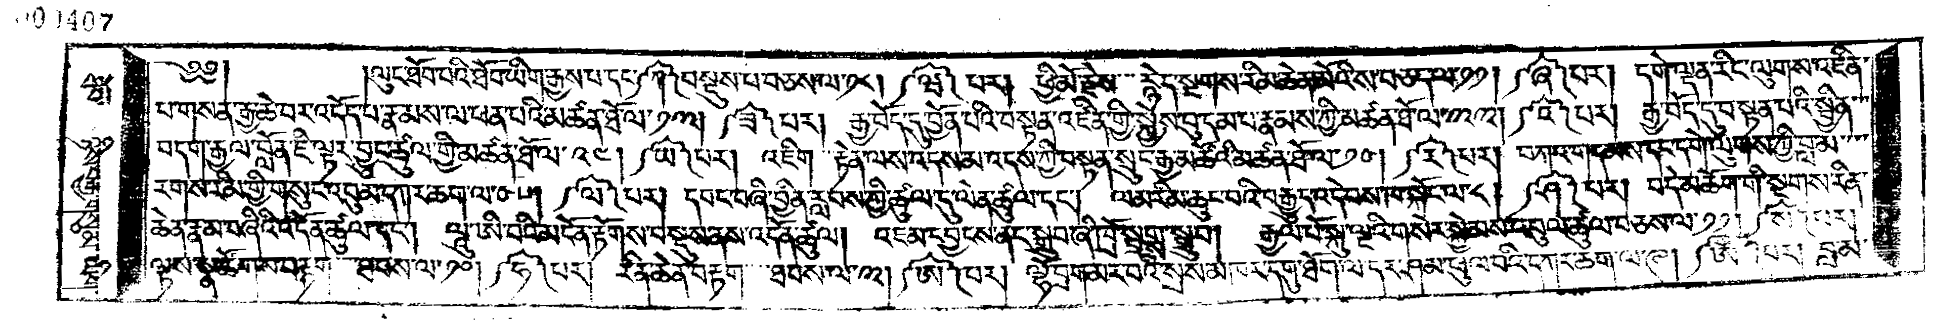༄༅། །ལུང་ཐོབ་པའི་ཐོབ་ཡིག་རྒྱས་པ་དང ༼ཀ༽ བསྡུས་པ་བཅས་ལ ༡༨། ༼ཝ༽ པར། ཕྱི་མོ་རྗེས་རྙེད་སྔགས་རིམ་ཆེན་མོའི་ས་བཅད་ལ༡༡། ༼ཞ༽ པར། དགེ་ལྡན་རིང་ལུགས་འཛིན་
པ་གསན་རྒྱ་ཆེ་བར་འདོད་པ་རྣམས་ལ་ཕན་པའི་མཚན་ཐོ་ལ ༡༣། ༼ཟ༽ པར། རྒྱ་བོད་དུ་བྱིན་པའི་བསྟན་འཛིན་གྱི་སྐྱེས་བུ་དམ་པ་རྣམས་ཀྱི་མཚན་ཐོ་ལ ༣༣། ༼འ༽ པར། རྒྱ་བོད་དུ་བསྟན་པའི་སྦྱིན་
བདག་རྒྱལ་བློན་ཇི་ལྟར་བྱུང་ཚུལ་གྱི་མཚན་ཐོ་ལ ༢༤། ༼ཡ༽ པར། འཇིག་རྟེན་ལས་འདས་མ་འདས་ཀྱི་བསྟན་སྲུང་རྒྱ་མཚོའི་མཚན་ཐོ་ལ ༡༧། ༼ར༽ པར། བཀའ་གདམས་དང་དགེ་ལུག་ཀྱི་བླ་མ་
རགས་རིམ་གྱི་གསུངས་འབུམ་དཀར་ཆག་ལ ༦༥། ༼ལ༽ པར། དབང་བཞི་བྱིན་རླབས་ཀྱི་ཚུལ་དུ་ལེན་ཚུལ་དང་། ལམ་རིམ་ཆུང་བའི་བརྒྱུད་འདེབས་ཁ་སྐོང་ལ༨། ༼ཤ༽ པར། བདེ་མཆོག་གི་སྔགས་རིན་
ཆེན་རྣམ་བཞིའི་འདོན་ཚུལ་དང་། ལཱུ་ཨི་བའི་མངོན་རྟོགས་བསྡུས་ནས་འདོན་ཚུལ། འཇམ་དབྱངས་ནང་སྒྲུབ་ཞི་ཁྲོ་སྦྲགས་སྒྲུབ། རྒྱལ་པོ་སྐུ་ལྔའི་གསེར་སྐྱེམས་འབུལ་ཚུལ་བཅས་ལ༡༡། ༼ས༽ པར།
ལྟས་སྣ་ཚོགས་བརྟག་ཐབས་ལ༡༠། ༼ཧ༽ པར། རིན་ཆེན་བརྟག་ཐབས་ལ༣། ༼ཨ༽ པར། ལྷོ་བྲག་མར་པའི་སྲས་མཁར་དགུ་ཐོག་ལ་དར་ཤམ་ཕུལ་བའི་དཀར་ཆག་ལ༩། ༼ཨོཾ༽ པར། བླ་མ་